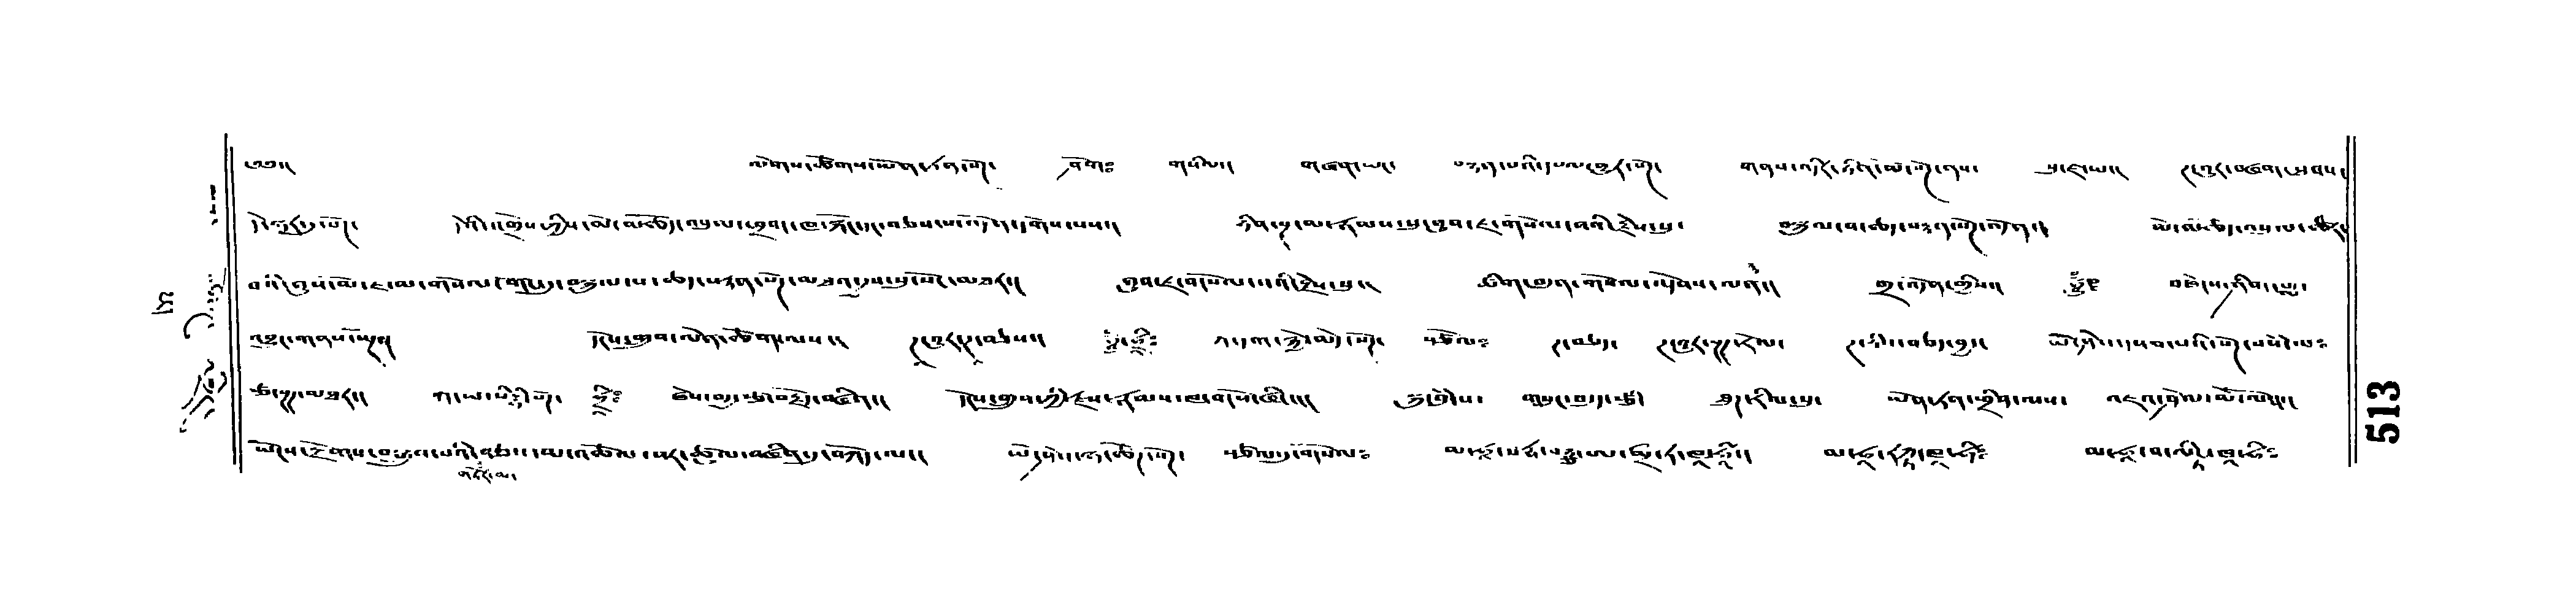ལེགས་ཚོགས་ཡོན་ཏན་སོགས། ཤོག༔ གསིལ། གཞན་ཡང་། བསྟན་པའི་དཔལ་གྱུར་སོགས། གནས་འདིར་ཉིན་མོ་སོགས་ནས། སུ་ཛ་ཡ། ཌཱ་འུར་བཞག་ཐབས། 
དེ་ལྟར་དུ་སོགས། དེའི་འགྲོས་ཀྱིས་མེ་མཆོད་འབུམ་ཕྲག་ཁ་སྐོང་དང་བཅས་པ་འདོན་དགོས་པས། ཉིན་སྔ་མ་རྣམས་སུ་ནུབ་ཇ་གསོལ་བའི་རྗེས་སུ། བསྐུལ་བ་ཆད་བརྟན་སོགས་འདོན། མེ་མཆོད་འབུལ་ཚར་
བའི་ནུབ་མོ་ཇ་མ་གསོལ་གོང་དུ་བསྐུལ་པ་ཆད་བརྟན་སོགས་མཐའ་རྒྱས་སུ་སོང་མཐར། ནུབ་ཇ་གསོལ་བའི་རྗེས་སུ། ཚིག་བདུན་གསོལ་འདེབས་ལན་གསུམ། གྲ་འདོན་གྱིས། ཧཱུྃ༔ བཞེངས་ཤིག་པདྨ་
འབྱུང་གནས་སོགས། དངོས་གྲུབ་ལེན་ཆོག་ལས། ཌཱ་འུར་ཌཱ་བཅས། ཧཱུྃ་ཧྲཱིཿ ཀ་དག་སྐྱེ་མེད་སོགས། སྩོལ༔ ཌཱ་བཅད། ཌཱ་འུར་སྔགས་རོལ། ཌཱ་ཉིས་བཅད་བྱ། ཡེ་ཤེས་དབབ་པའི་སོགས། བསམ་ལ༔ 
རྩ་སྔགས་མཐར། ཀ་ཡ་སིདྡྷི་སོགས། ཧྲཱིཿ ཅེས་བརྒྱ་རྩ་བརྗོད་བཞིན། དངོས་གྲུབ་ཀྱི་རྫས་རྣམས་ཁ་གསོ་ཞིང་། སྐུ་བུམ་པ། གསུང་བདུད་རྩི། ཐུགས་རིལ་བུ། ཡོན་ཏན་ཕྲིན་ལས་འཇའ་ཤེལ་མེ་ལོང་། 
ཡོངས་རྫོགས་བསྒྲུབ་པའི་གཏོར་མ་བཅས་མ་འཆོལ་བར་ཚུལ་བཞིན་དུ་བཀོད་ལ། ཡེ་ཤེས་ལྷ་ཚོགས་སོགས། བསྩལ་དུགསོལ༔ མ་ཧཱ་སརྦ་པཉྩ་ཨ་མྲྀ་ཏ་ཁཱ་ཧཱི། མ་ཧཱ་རཀྟ་ཁཱ་ཧིཿ མ་ཧཱ་བ་ལིངྟ་ཁཱ་ཧིཿ